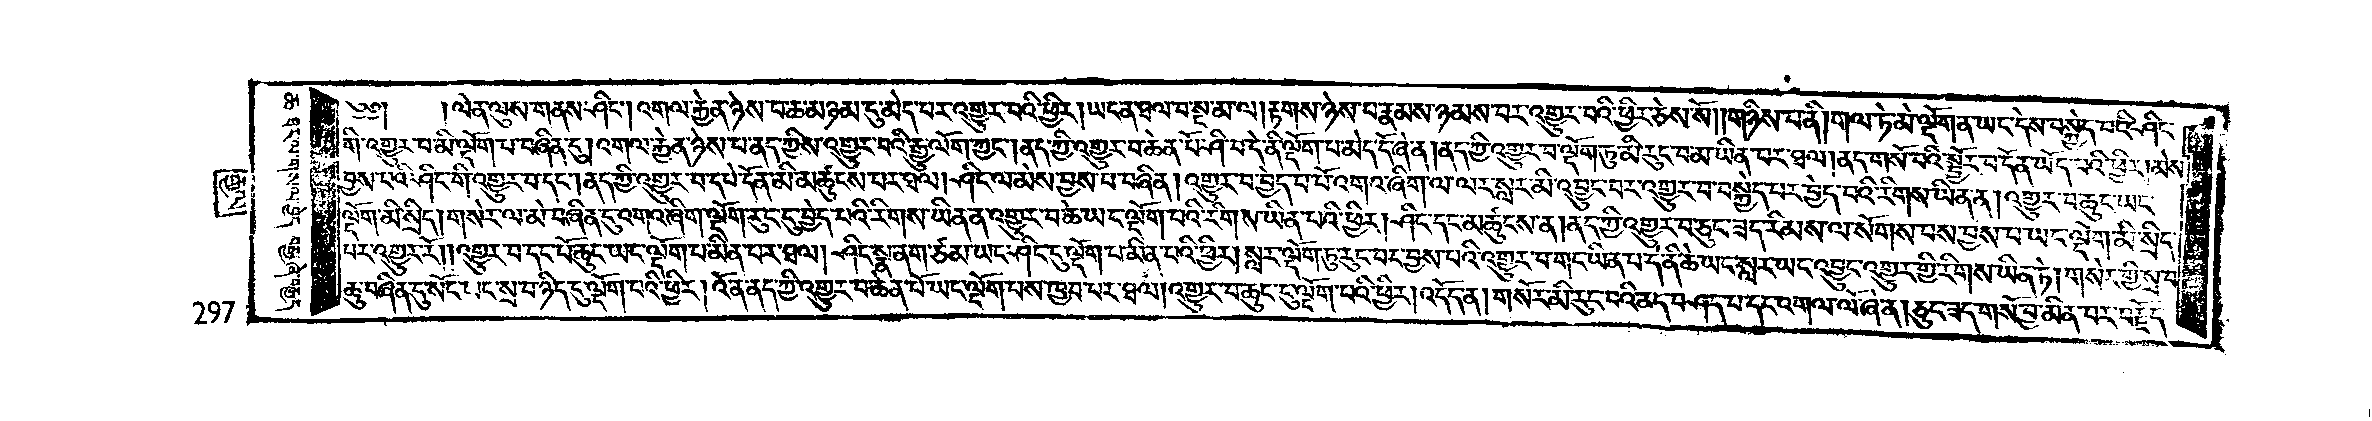༄༅། །ལེན་ལུས་གནས་ཤིང་། འགལ་རྐྱེན་ཉེས་པ་ཆ་མཉམ་དུ་མེད་པར་འགྱུར་བའི་ཕྱིར། ཡང་ན་ཐལ་བ་སྔ་མ་ལ། རྟགས་ཉེས་པ་རྣམས་ཉམས་པར་འགྱུར་བའི་ཕྱིར་ཅེས་སོ། །གཉིས་པ་ནི། གལ་ཏེ་མེ་ལྡོག་ན་ཡང་དེས་བསྐྱེད་པའི་ཤིང་
གི་འགྱུར་བ་མི་ལྡོག་པ་བཞིན་དུ། འགལ་རྐྱེན་ཉེས་པ་ནད་ཀྱིས་འགྱུར་བའི་རྒྱུ་ལོག་ཀྱང་། ནད་ཀྱི་འགྱུར་བ་ཆེན་པོ་ཤི་བ་དེ་ནི་ལྡོག་པ་མེད་དོ་ཞེ་ན། ནད་ཀྱི་འགྱུར་བ་ལྡོག་ཏུ་མི་རུང་བ་མ་ཡིན་པར་ཐལ། ནད་གསོ་བའི་སྦྱོར་བ་དོན་ཡོད་པའི་ཕྱིར། མེས་
བྱས་པའི་ཤིང་གི་འགྱུར་བ་དང་། ནད་ཀྱི་འགྱུར་བ་དཔེ་དོན་མི་མཚུངས་པར་ཐལ། ཤིང་ལ་མེས་བྱས་པ་བཞིན། འགྱུར་བ་བྱེད་པ་པོ་འགའ་ཞིག་ལ་ལར་སླར་མི་འབྱུང་བར་འགྱུར་བ་བསྐྱེད་པར་བྱེད་པའི་རིགས་ཡིན་ན། འགྱུར་བ་ཆུང་ཡང་
ལྡོག་མི་སྲིད། གསེར་ལ་མེ་བཞིན་དུ་འགའ་ཞིག་ལྡོག་རུང་དུ་བྱེད་པའི་རིགས་ཡིན་ན་འགྱུར་བ་ཆེ་ཡང་ལྡོག་པའི་རིགས་ཡིན་པའི་ཕྱིར། ཤིང་དང་མཚུངས་ན། ནད་ཀྱི་འགྱུར་བ་ཅུང་ཟད་རིམས་ལ་སོགས་པས་བྱས་པ་ཡང་ལྡོག་མི་སྲིད་
པར་འགྱུར་རོ། །འགྱུར་བ་དང་པོ་ཆུང་ཡང་ལྡོག་པ་མིན་པར་ཐལ། ཤིང་སྣ་ནག་ཙམ་ཡང་ཤིང་དུ་ལྡོག་པ་མིན་པའི་ཕྱིར། སླར་ལྡོག་ཏུ་རུང་བར་བྱས་པའི་འགྱུར་བ་གང་ཡིན་པ་དེ་ནི་ཆེ་ཡང་སླར་ཡང་འབྱུང་འགྱུར་གྱི་རིགས་ཡིན་ཏེ། གསེར་གྱི་སྲ་བ་
ཆུ་བཞིན་དུ་སོང་ཡང་སྲ་བ་ཉིད་དུ་ལྡོག་པའི་ཕྱིར། འོ་ན་ནད་ཀྱི་འགྱུར་བ་ཆེན་པོ་ཡང་ལྡོག་པས་ཁྱབ་པར་ཐལ། འགྱུར་བ་ཆུང་ངུ་ལྡོག་པའི་ཕྱིར། འདོད་ན། གསོར་མི་རུང་བའི་ཆད་བཤད་པ་དང་འགལ་ལོ་ཞེ་ན། ཅུང་ཟད་གསོ་བྱ་མིན་པར་བརྗོད་